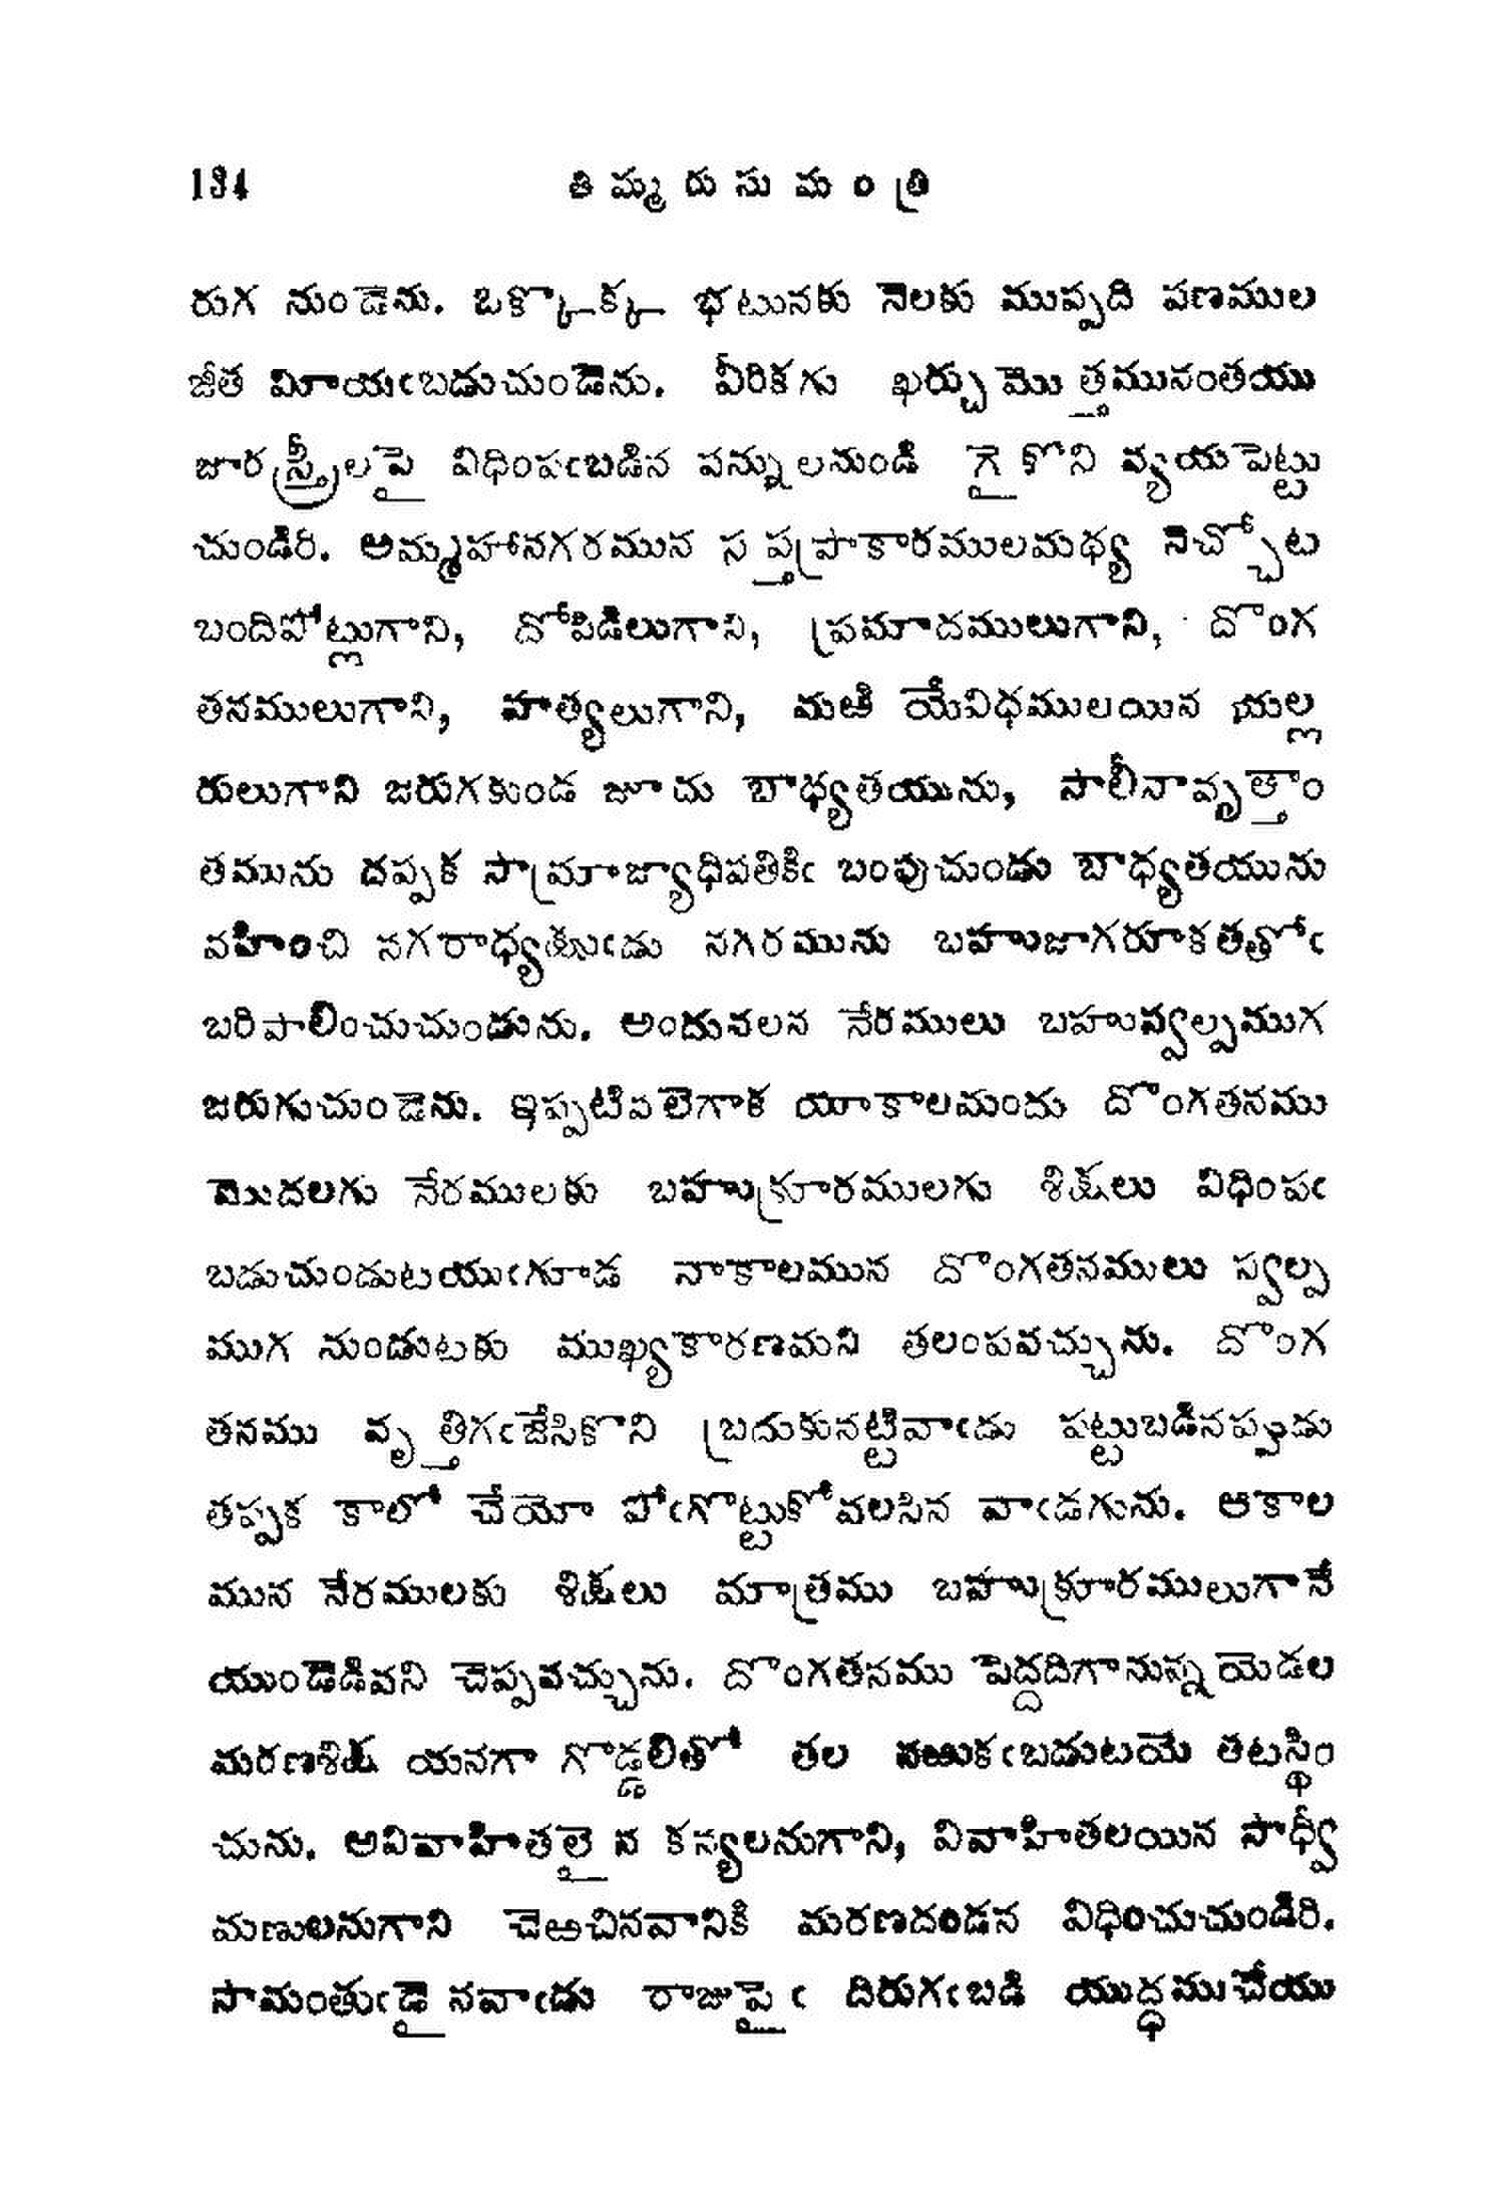రుగ నుండెను. ఒక్కొక్క భటునకు నెలకు ముప్పది పణముల జీత మీయఁబడుచుండెను. వీరికగు ఖర్చుమొత్తమునంతయు జారస్త్రీలపై విధింపఁబడిన పన్నులనుండి గైకొని వ్యయపెట్టు చుండిరి. అమ్మహానగరమున సప్తప్రాకారములమధ్య నెచ్చోట బందిపోట్లుగాని, దోపిడిలుగాని, ప్రమాదములుగాని, దొంగతనములుగాని, హత్యలుగాని, మఱి యేవిధములయిన యల్లరులుగాని జరుగకుండ జూచు బాధ్యతయును, సాలీనావృత్తాంతమును దప్పక సామ్రాజ్యాధిపతికిఁ బంపుచుండు బాధ్యతయును వహించి నగరాధ్యక్షుఁడు నగరమును బహుజాగరూకతతోఁ బరిపాలించుచుండును. అందువలన నేరములు బహుస్వల్పముగ జరుగుచుండెను. ఇప్పటివలెగాక యాకాలమందు దొంగతనము మొదలగు నేరములకు బహుక్రూరములగు శిక్షలు విధింపఁ బడుచుండుటయుఁగూడ నాకాలమున దొంగతనములు స్వల్పముగ నుండుటకు ముఖ్యకారణమని తలంపవచ్చును. దొంగతనము వృతిగఁజేసికొని బ్రదుకునట్టివాఁడు పట్టుబడినప్పుడు తప్పక కాలో చేయో పోఁగొట్టుకోవలసిన వాఁడగును. ఆకాలమున నేరములకు శిక్షలు మాత్రము బహుక్రూరములుగానే యుండెడివని చెప్పవచ్చును. దొంగతనము పెద్దదిగానున్న యెడల మరణశిక్ష యనగా గొడ్డలితో తల నఱుకఁబడుటయే తటస్థించును. అవివాహితలైన కన్యలనుగాని, వివాహితలయిన సాధ్వీమణులనుగాని చెఱచినవానికి మరణదండన విధించుచుండిరి. సామంతుఁడైనవాఁడు రాజుపైఁ దిరుగఁబడి యుద్ధముచేయు